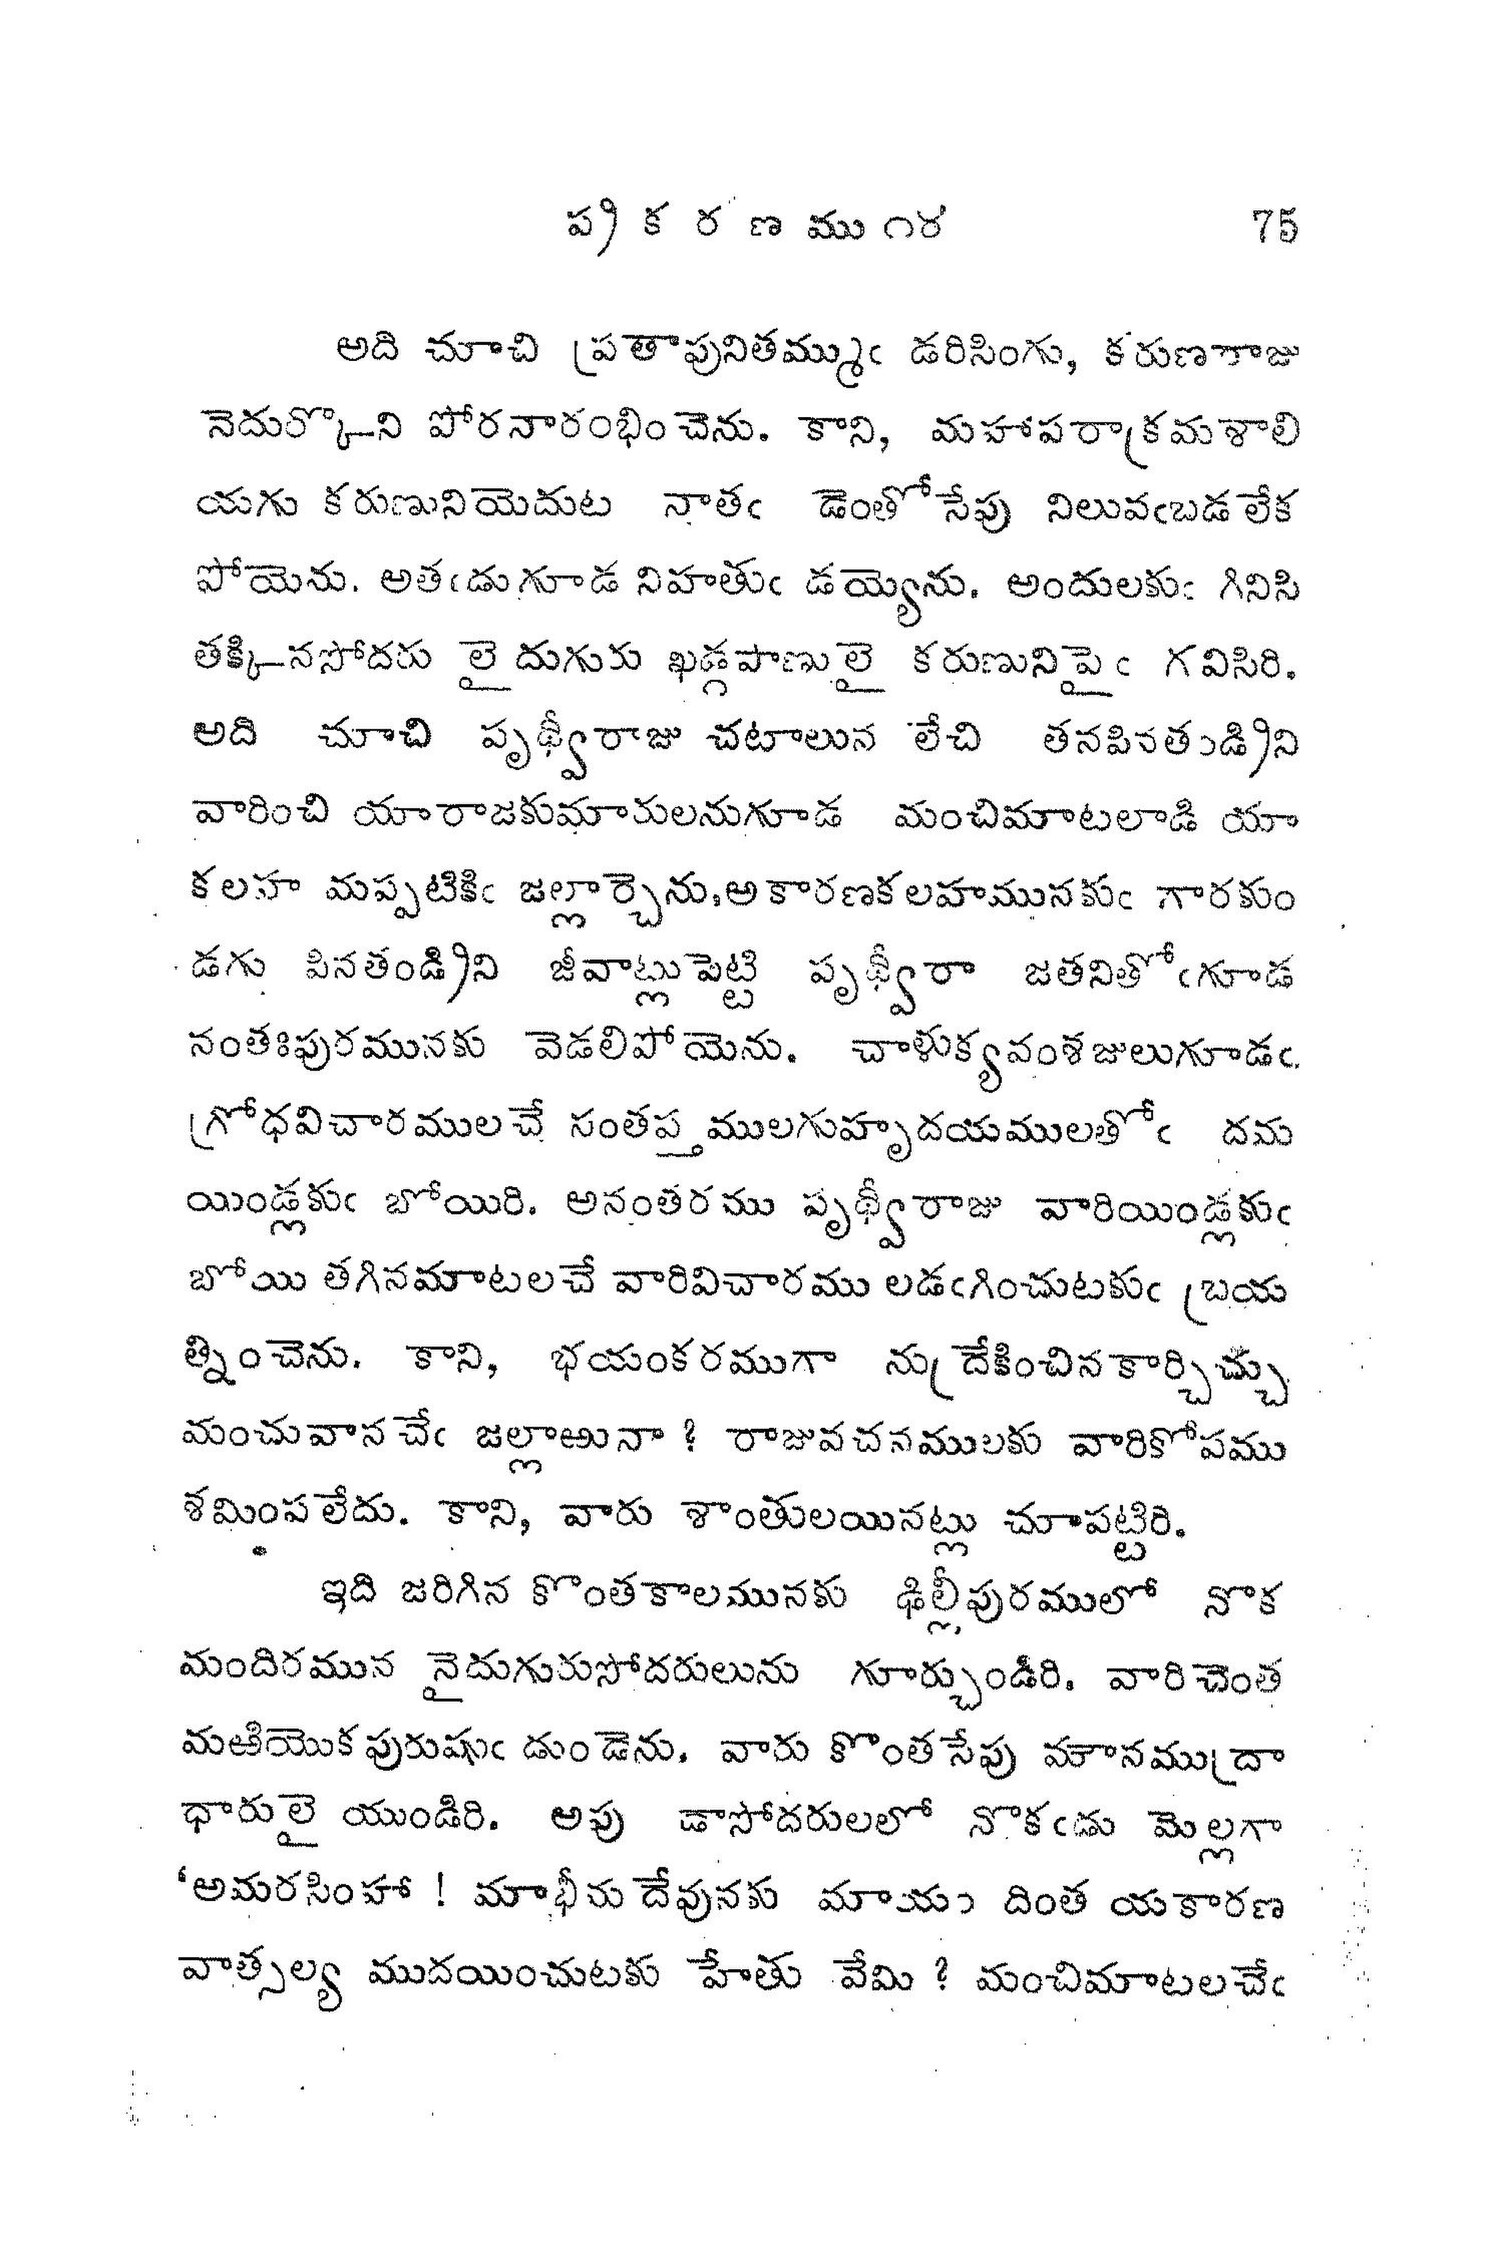అది చూచి ప్రతాపునితమ్ముఁ డరిసింగు, కరుణ గాజు నెదుర్కొని పోరనారంభించెను. కాని, మహాపరాక్రమశాలి యగు కరుణుని యెదుట నాతఁ డెంతో సేపు నిలువఁబడ లేక పోయెను. అతఁడుగూడ నిహతుఁ డయ్యెను. అందులకు: గినిసి తక్కినసోదరు లైదుగురు ఖడ్గపాణు లై కరుణునిపై గవిసిరి, అది చూచి పృథ్వీరాజు చటాలున లేచి తనపినతండ్రిని వారించి యారాజకుమారులనుగూడ మంచిమాటలాడి యా కలహ మప్పటికిఁ జిల్లా ర్చెను, అకారణక లహమునకుఁ గారకుం డగు పినతండ్రిని జీవాట్లు పెట్టి పృద్వీరా జతనితోఁగూడ నంతఃపురమునకు వెడలిపోయెను. చాళుక్య వంశజులుగూడఁ. గ్రోధవిచారముల చే సంతప్త ములగుహృదయములతోఁ దమ యిండ్లకుఁ బోయిరి. అనంతరము పృథ్వీరాజు వారియిండ్లరుఁ బోయి తగిన మాటలచే వారి విచారము లడఁగించుటకుఁ బ్రయత్నించెను. కాని, భయంకరముగా నుదేకించిన కార్చిచ్చు మంచువాన చేఁ జలాఱునా ? రాజువచనములకు వారికోపము శమింప లేదు. కాని, వారు శాంతులయినట్లు చూపట్టిరి.

ఇది జరిగిన కొంత కాలమునకు ఢిల్లీ పురములో నొక మందిరమున నైదుగురు సోదరులును గూర్చుండిరి. వారి చెంత మఱియొక పురుషుఁ డుండెను. వారు కొంత సేపు మౌనముద్రా ధారులై యుండిరి. అపుడాసోదరులలో నొకఁడు మెల్లగా ‘అమర సింహా ! మాధీను దేవునకు మాయ, దింత యకారణ వాత్సల్య ముదయించుటకు హేతు వేమి ? మంచిమాటలచేఁ